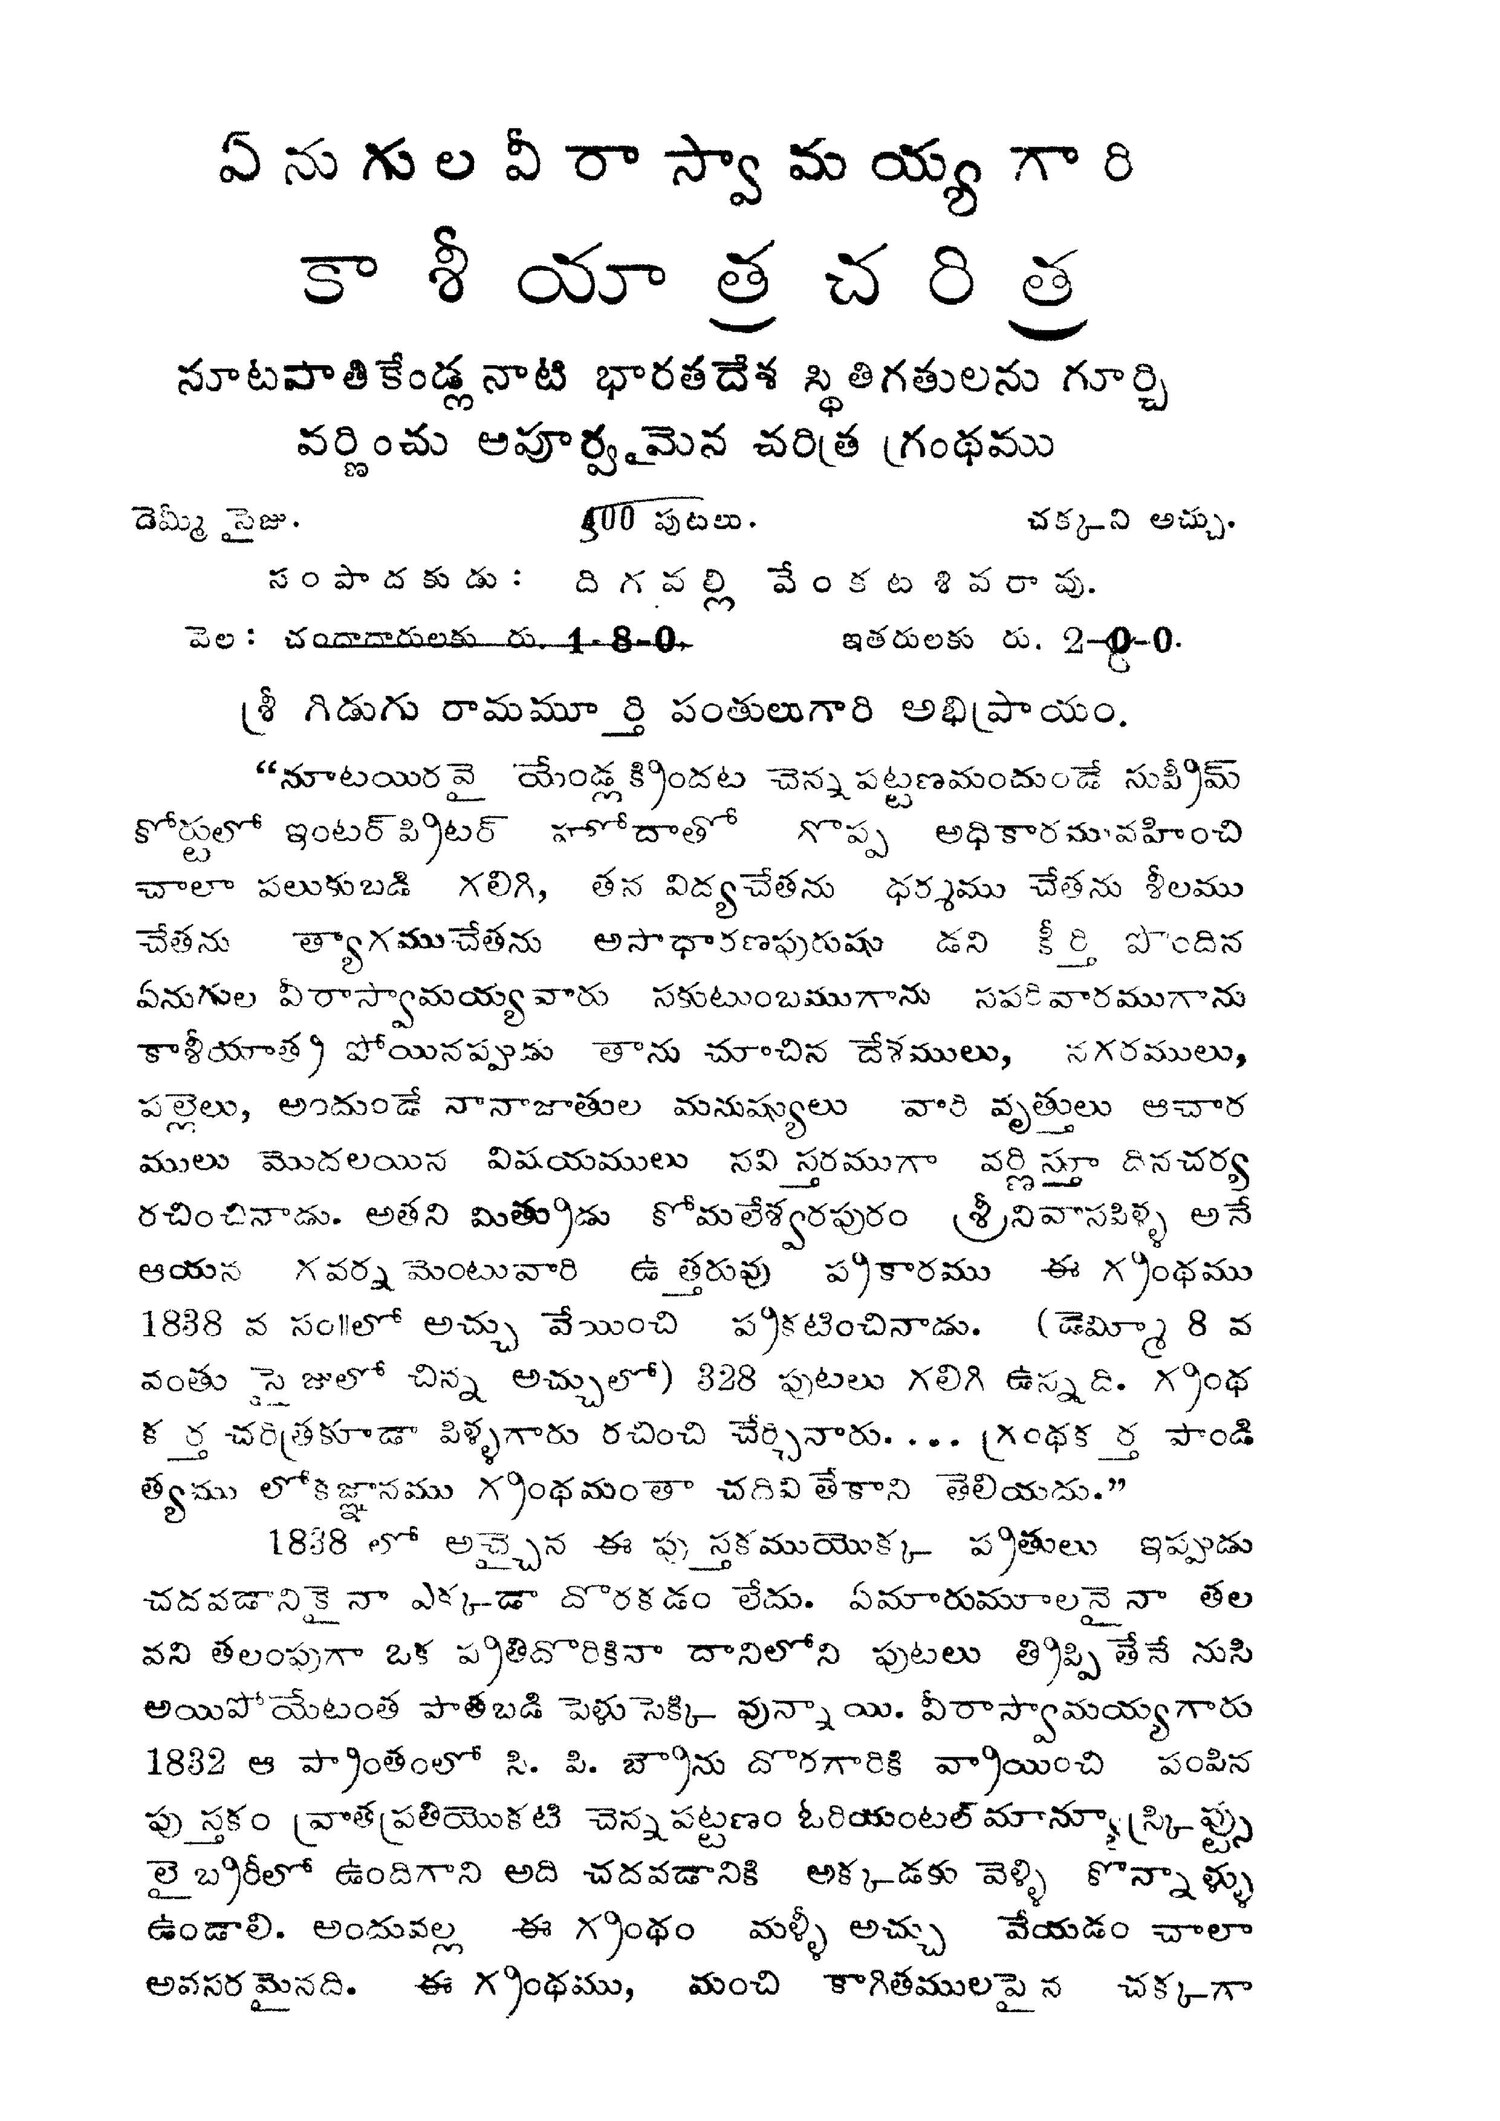"నూటయిరవై యేండ్లక్రిందట చెన్నపట్టణమందుండే సుప్రీం కోర్టులో ఇంటర్ ప్రిటర్ హోదాలో గొప్ప అధికారంవహించి చాలా పలుకుబడి గలిగి, తన విద్య చేతను ధర్మము చేతను శీలము చేతను త్యాగముచేతను అసాధారణపురుషు డని కీర్త్రి పొందిన ఏనుగుల వీరాస్వామయ్యవారు సకుటుంబముగాను సపరివారముగాను కాశీయాత్ర పోయినప్పుడు తాను చూచిన దేశములు, నగరములు, పల్లెలు, అందుండే నానాజాతుల మనుష్యులు వారి వృత్తులు ఆచారములు మొదలయిన విషయములు సవిస్తరముగా వర్ణిస్తూ దినచర్య రచించినాడు. అతని మిత్రుడు కోమలేశ్వరపురం శ్రీనివాసపిళ్ళ అనే ఆయన గవర్నమెంటువారి ఉత్తరువు ప్రకారము ఈ గ్రంధము 1838 వ సం॥లో అచ్చు వేయించి ప్రకటించినాడు. (డెమ్మీ 8 వ వంతు సైజులో చిన్న అచ్చులో) 328 పుటలు గలిగి ఉన్నది. గ్రంధకర్త చరిత్రకూడా పిళ్ళగారు రచించి చేర్చినారు--- గ్రంధకర్త పాండిత్యము లోకజ్ఞానము గ్రంధమంతా చదివితేకాని తెలియదు."

1838 లో అచ్చైన ఈ పుస్తకముయొక్క ప్రతులు ఇప్పుడు చదవడానికైనా ఎక్కడా దొరకడం లేదు. ఏమారుమూలనైనా తలవని తలంపుగా ఒక ప్రతిదొరికినా దానిలోని పుటలు త్రిప్పితేనే నుసిఅయిపొయేటంత పాతబడి పెళుసెక్కి వున్నాయి. వీరాస్వామయ్యగారు 1832 ఆ ప్రాంతంలో సి.పి.బ్రొను దొరగారికి వ్రాయించి పంపిన పుస్తకం వ్రాతప్రతియొకటి చెన్నపట్టణం ఓరియంటల్ మాన్యూస్క్రిప్టు లైబ్రరీలో ఉందిగాని అది చదవడానికి అక్కడకు వెళ్ళి కొన్నాళ్ళు ఉండాలి. అందువల్ల ఈగ్రంధము, మంచి కాగితములపైన చక్కగా